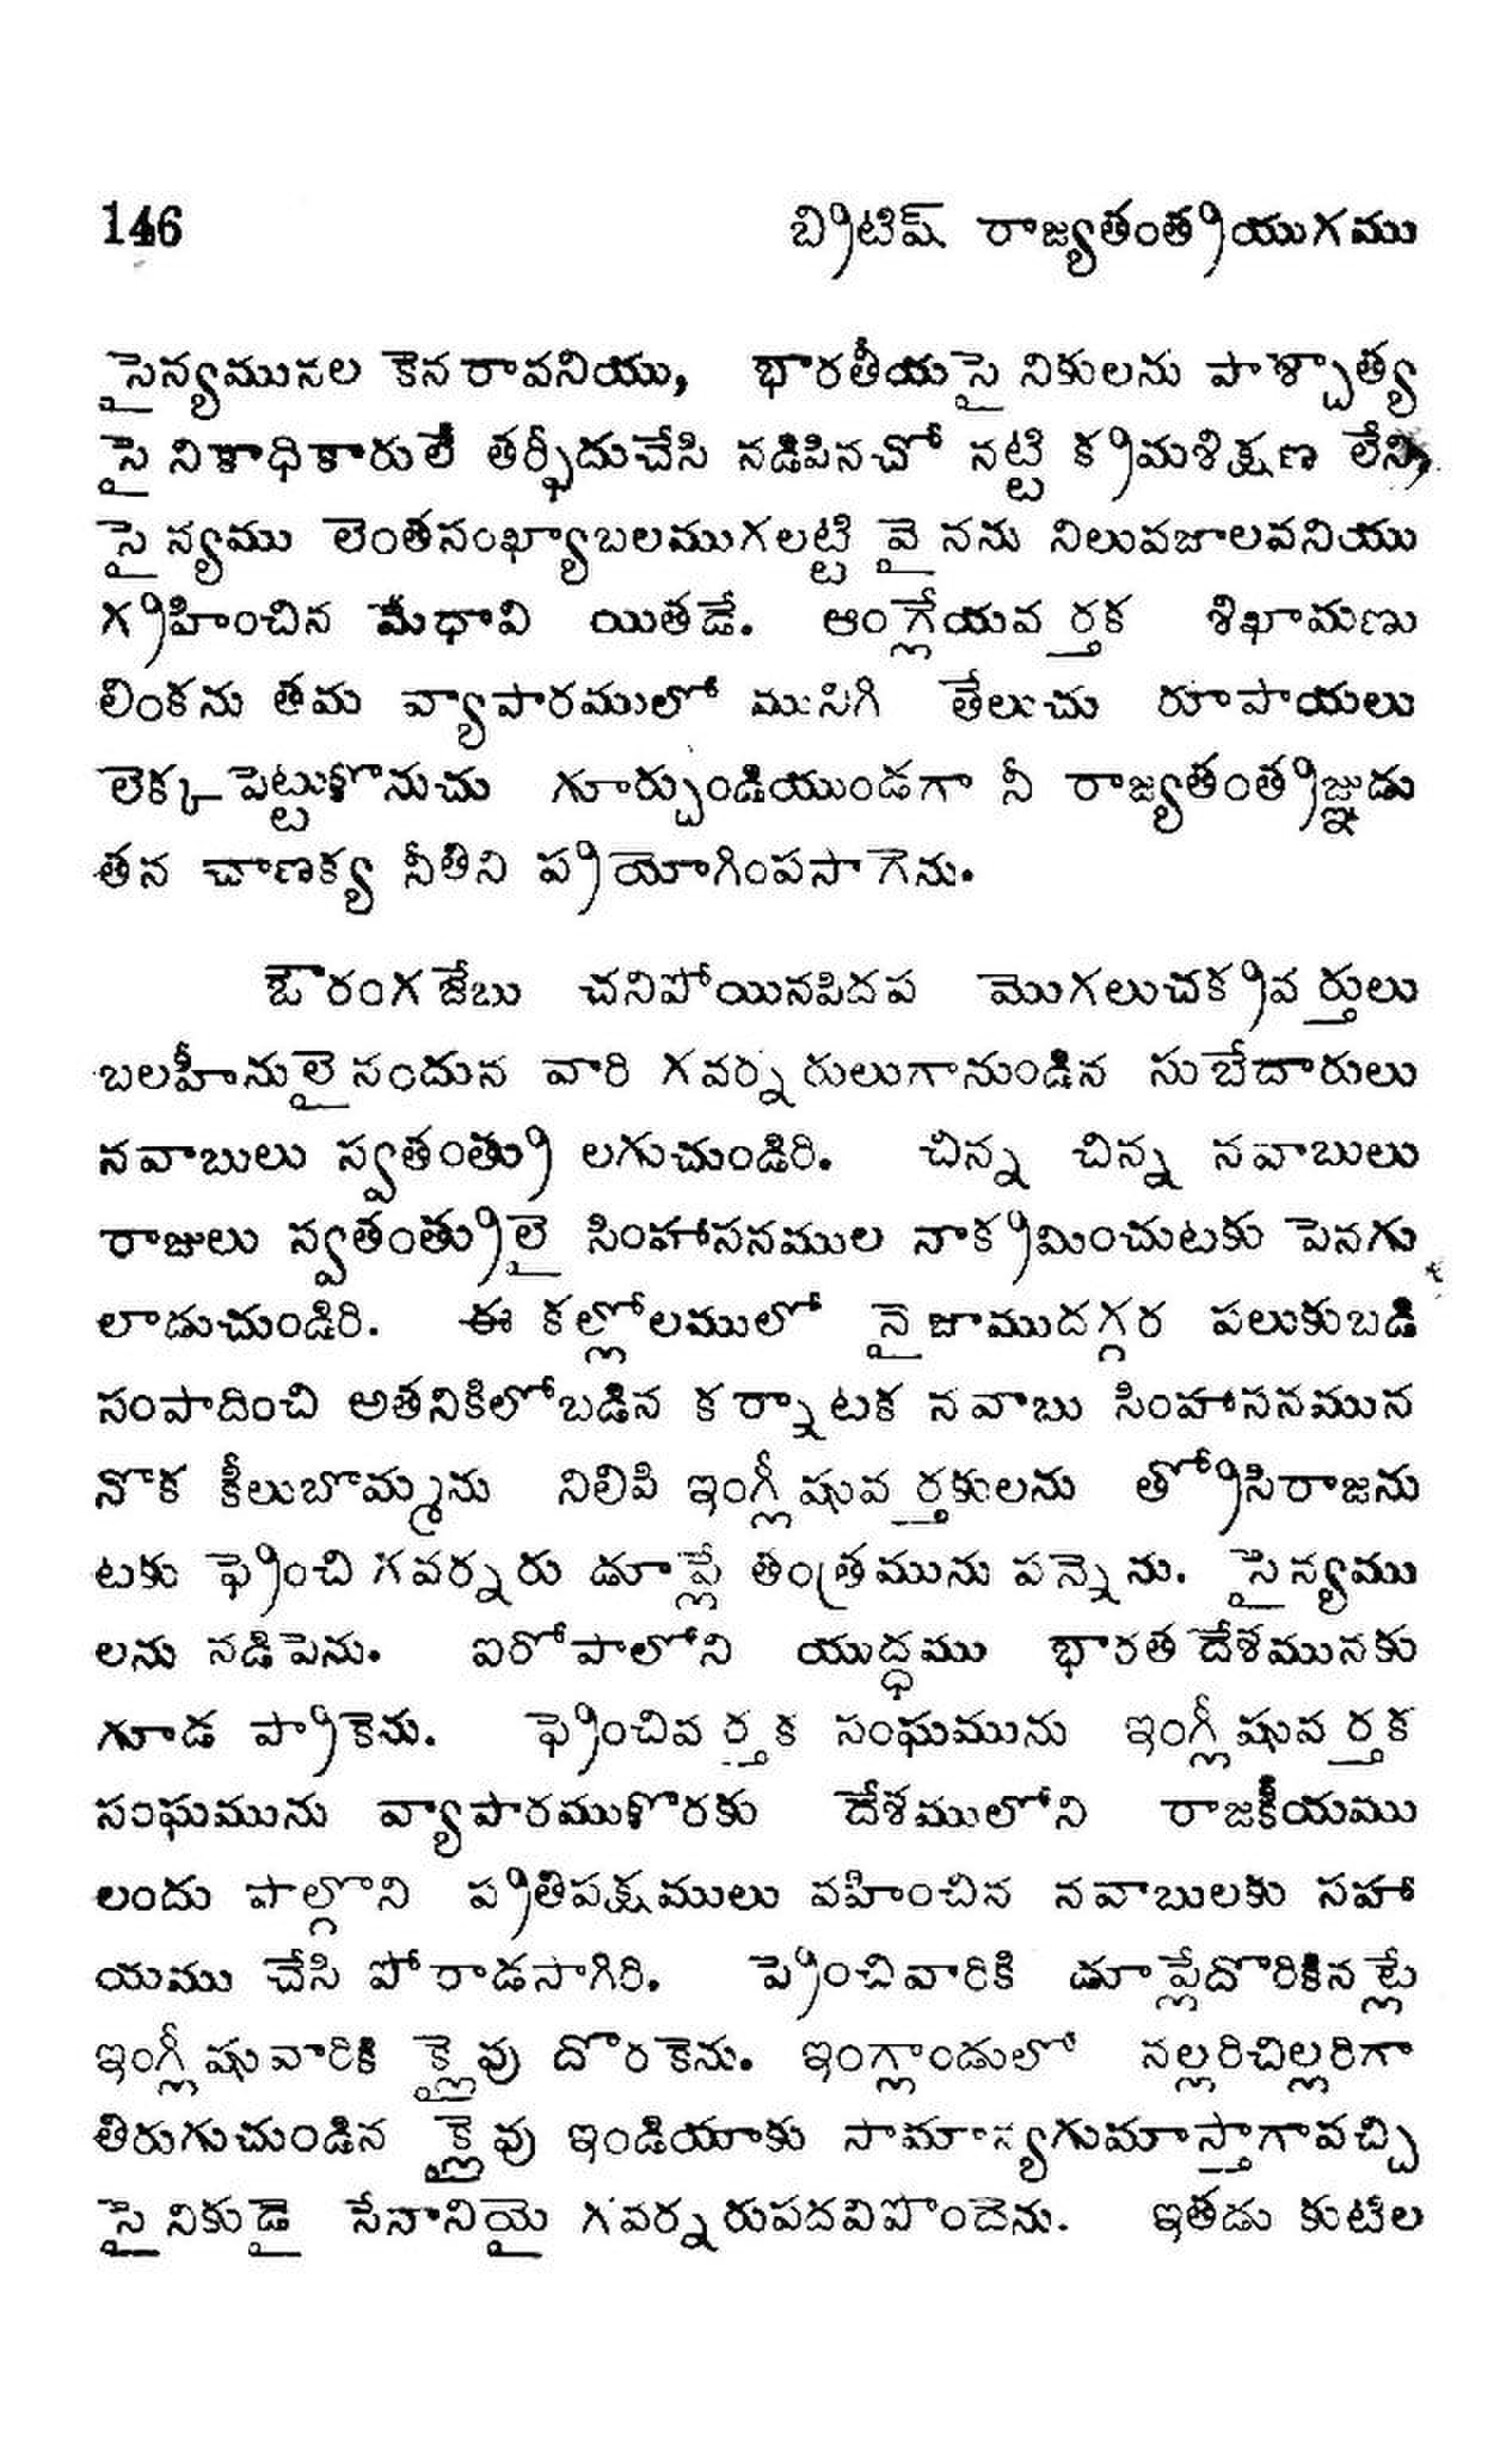సైన్యమునల కెనరావనియు, భారతీయసైనికులను పాశ్చాత్య సైనికాధికారులే తర్ఫీదుచేసి నడిపినచో నట్టి క్రమశిక్షణ లేని, సైన్యము లెంతసంఖ్యాబలముగలట్టి వైనను నిలువజాలవనియు గ్రహించిన మేధావి యితడే. ఆంగ్లేయవర్తక శిఖామణు లింకను తమ వ్యాపారములో మునిగి తేలుచు రూపాయలు లెక్క పెట్టుకొనుచు గూర్చుండియుండగా నీ రాజ్యతంత్రజ్ఞుడు తన చాణక్య నీతిని ప్రయోగింపసాగెను.

ఔరంగజేబు చనిపోయినపిదప మొగలుచక్రవర్తులు బలహీనులైనందున వారి గవర్నరులుగానుండిన సుబేదారులు నవాబులు స్వతంత్రు లగుచుండిరి. చిన్న చిన్న నవాబులు రాజులు స్వతంత్రులై సింహాసనముల నాక్రమించుటకు పెనగులాడుచుండిరి. ఈ కల్లోలములో నైజాముదగ్గర పలుకుబడి సంపాదించి అతనికిలోబడిన కర్నాటక నవాబు సింహాసనమున నొక కీలుబొమ్మను నిలిపి ఇంగ్లీషువర్తకులను త్రోసిరాజనుటకు ఫ్రెంచి గవర్నరు డూప్లే తంత్రమును పన్నెను. సైన్యములను నడిపెను. ఐరోపాలోని యుద్ధము భారతదేశమునకు గూడ ప్రాకెను. ఫ్రెంచివర్తక సంఘమును ఇంగ్లీషువర్తక సంఘమును వ్యాపారముకొరకు దేశములోని రాజకీయములందు పాల్గొని ప్రతిపక్షములు వహించిన నవాబులకు సహాయము చేసి పోరాడసాగిరి. ఫ్రెంచివారికి డూప్లేదొరికినట్లే ఇంగ్లీషువారికి క్లైవు దొరకెను. ఇంగ్లాండులో నల్లరిచిల్లరిగా తిరుగుచుండిన క్లైవు ఇండియాకు సామాన్యగుమాస్తాగావచ్చి సైనికుడై సేనానియై గవర్నరుపదవిపొందెను. ఇతడు కుటిల